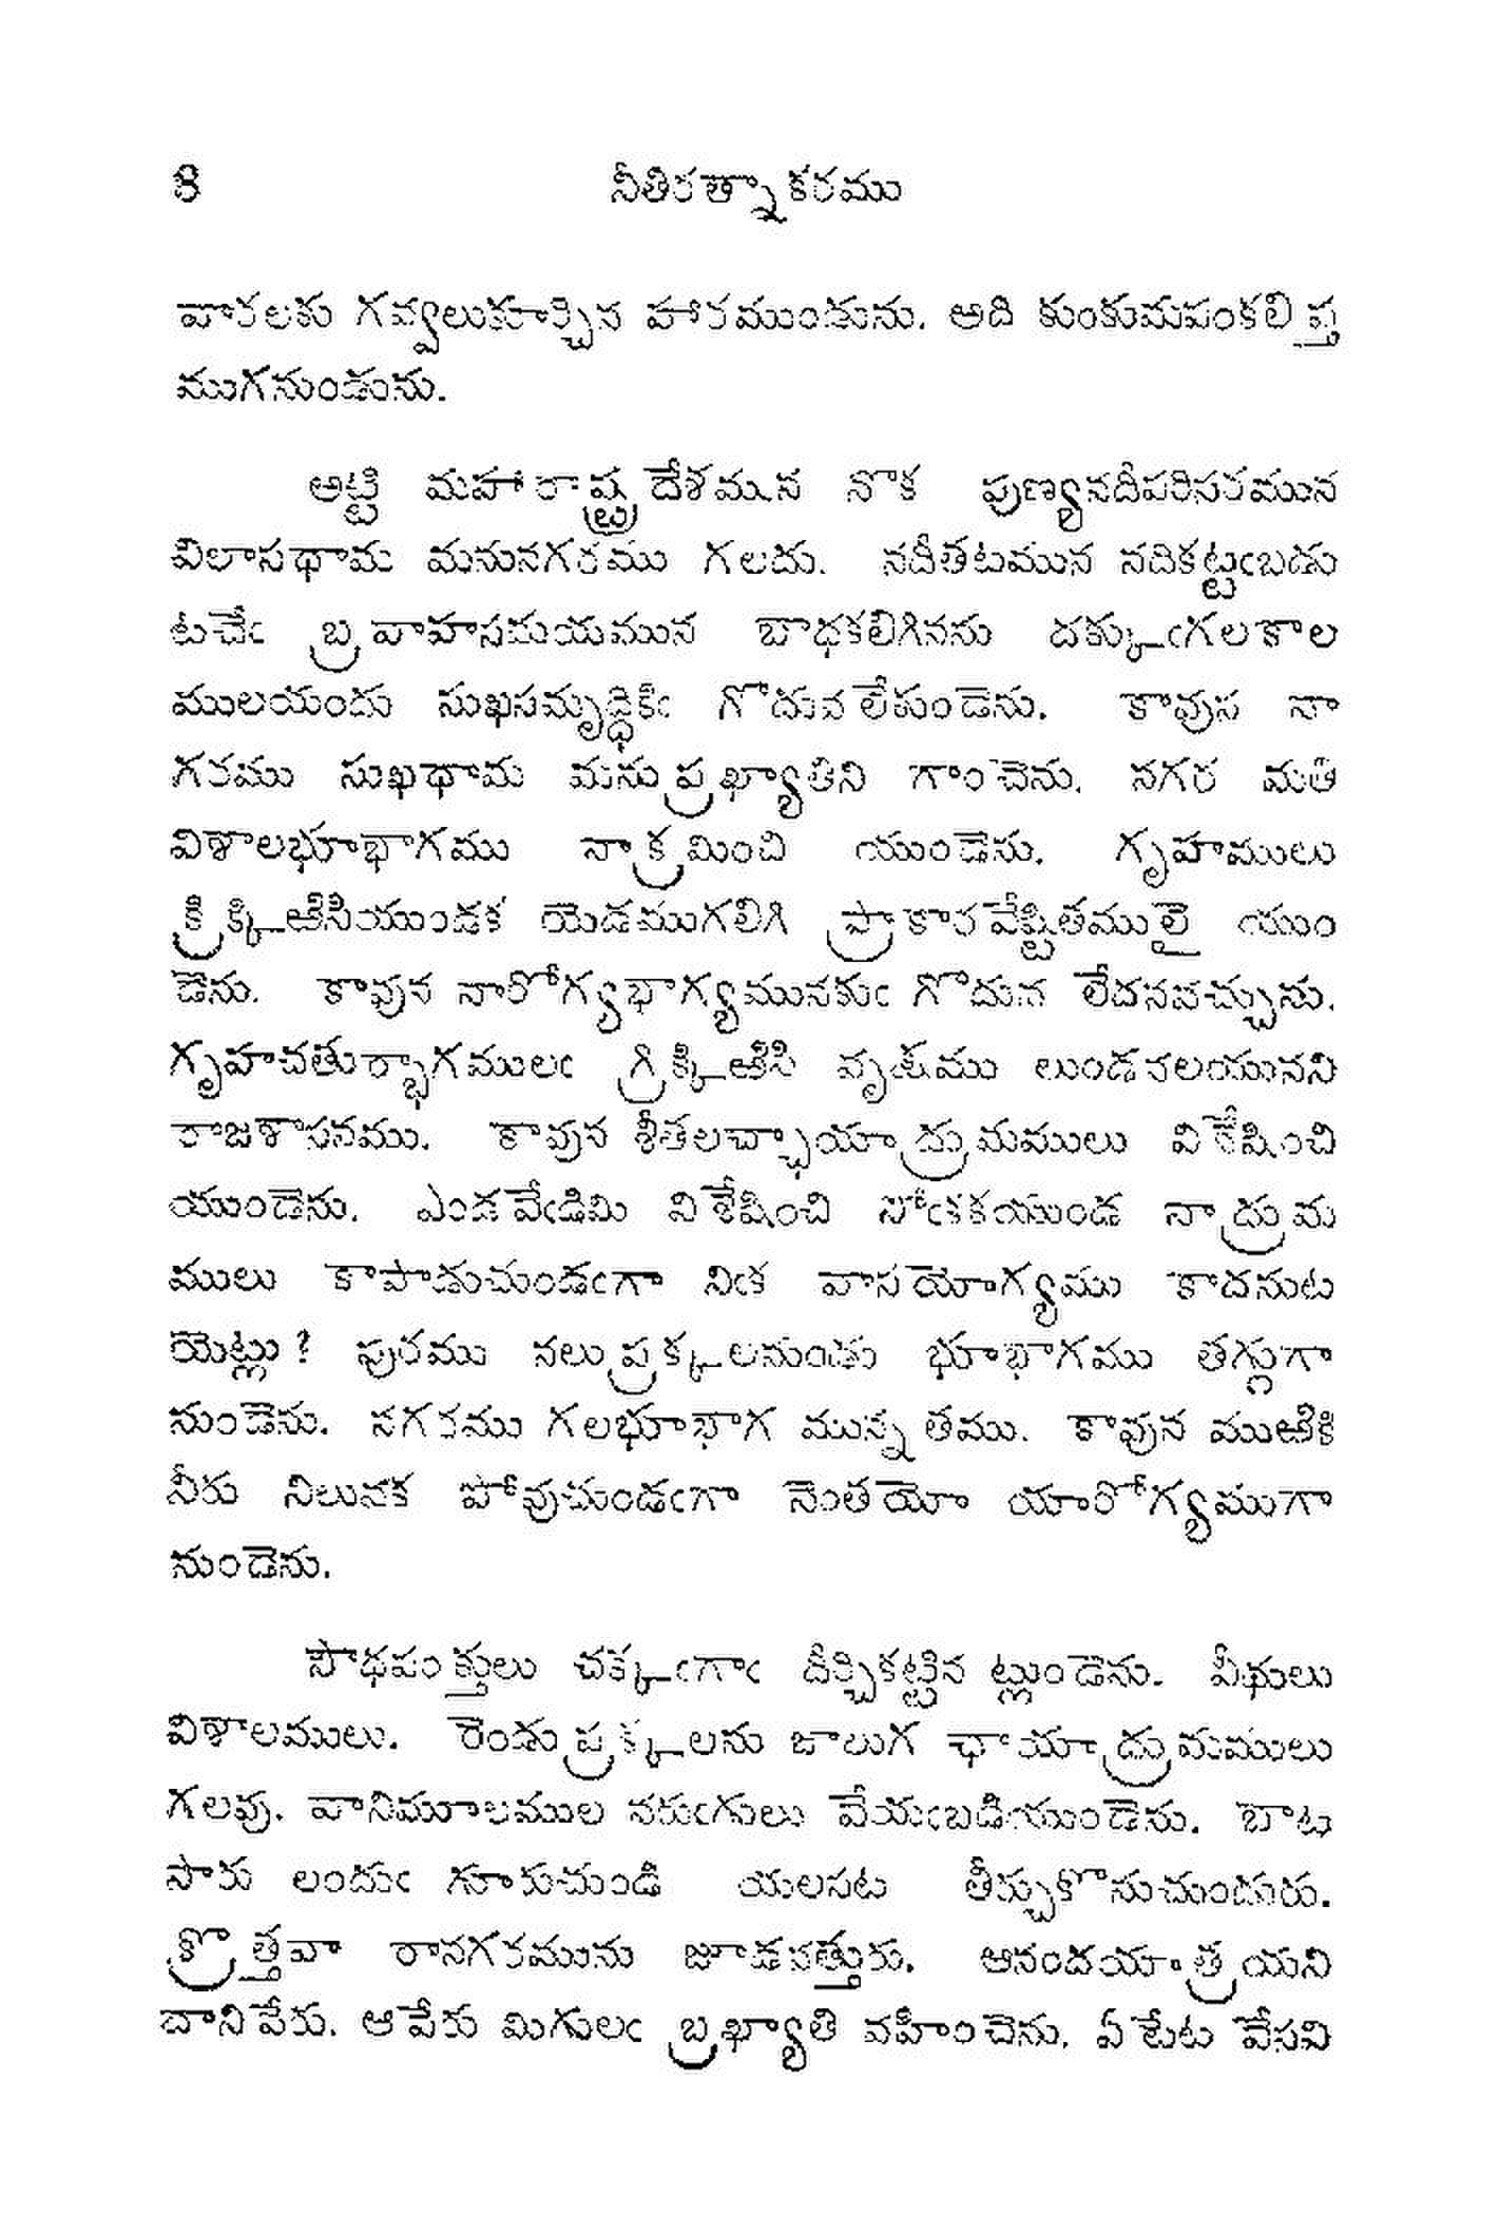వారలకు గవ్వలు కూర్చిన హార ముండును. అది కుంకుమపంకలిప్తముగనుండును.

అట్టి మహారాష్ట్ర దేశమున నొక పుణ్యనదీపరిసరమున విలాసథామ మనునగరము గలదు. నదీతటమున నదికట్టఁబడుటచే బ్రవాహసమయమున బాధకలిగినను దక్కుఁగలకాలములయందు సుఖసమృద్దికిఁ గొదువలేకుండెను. కావున నా నగరము సుఖధామ మనుప్రఖ్యాతిని గాంచెను. నగర మతివిశాలభూభాగము నాక్రమించి యుండెను. గృహములు క్రిక్కిఱిసియుండక యెడముగలిగి ప్రాకారవేష్టితము లై యుండెను. కావున నారోగ్య భాగ్యమునకుఁ గొదువ లేదనవచ్చును. గృహచతుర్బాగముల గ్రిక్కిరిసి వృక్షము లుండవలయునని రాజశాసనము.కావున శీతలచ్చాయా ద్రుమములు విశేషించి యుండెను. ఎండ వేడిమి విశేషించి సోకకయుండ నాద్రుమములు కాపాడుచుండఁగా నిఁక వాసయోగ్యము కాదనుట యెట్లు ! పురము నలుప్రక్కలనుండు భూభాగము తగ్గుగా నుండెను. నగరము గలభూభాగ మున్నతము. కావున ముఱికి నీరు నిలువక పోవుచుండఁగా నెంతయో యారోగ్యముగా నుండెను.

సౌధ పంక్తులు చక్కఁగాఁ దీర్చికట్టిన ట్లుండెను. వీధులు విశాలములు. రెండు ప్రక్కలను జాలుగ ఛాయాద్రుమములు గలవు. వానిమూలముల నరుఁగులు వేయఁబడి యుండెను. బాటసారు లందుఁ గూరుచుండి యలసట తీర్చుకొనుచుందురు. కొత్తవా రానగరమును జూడవత్తురు, ఆనందయాత్ర యని దానిపేరు. ఆ పేరు మిగులఁ బ్రఖ్యాతి వహించెను, ఏటేట వేసవి